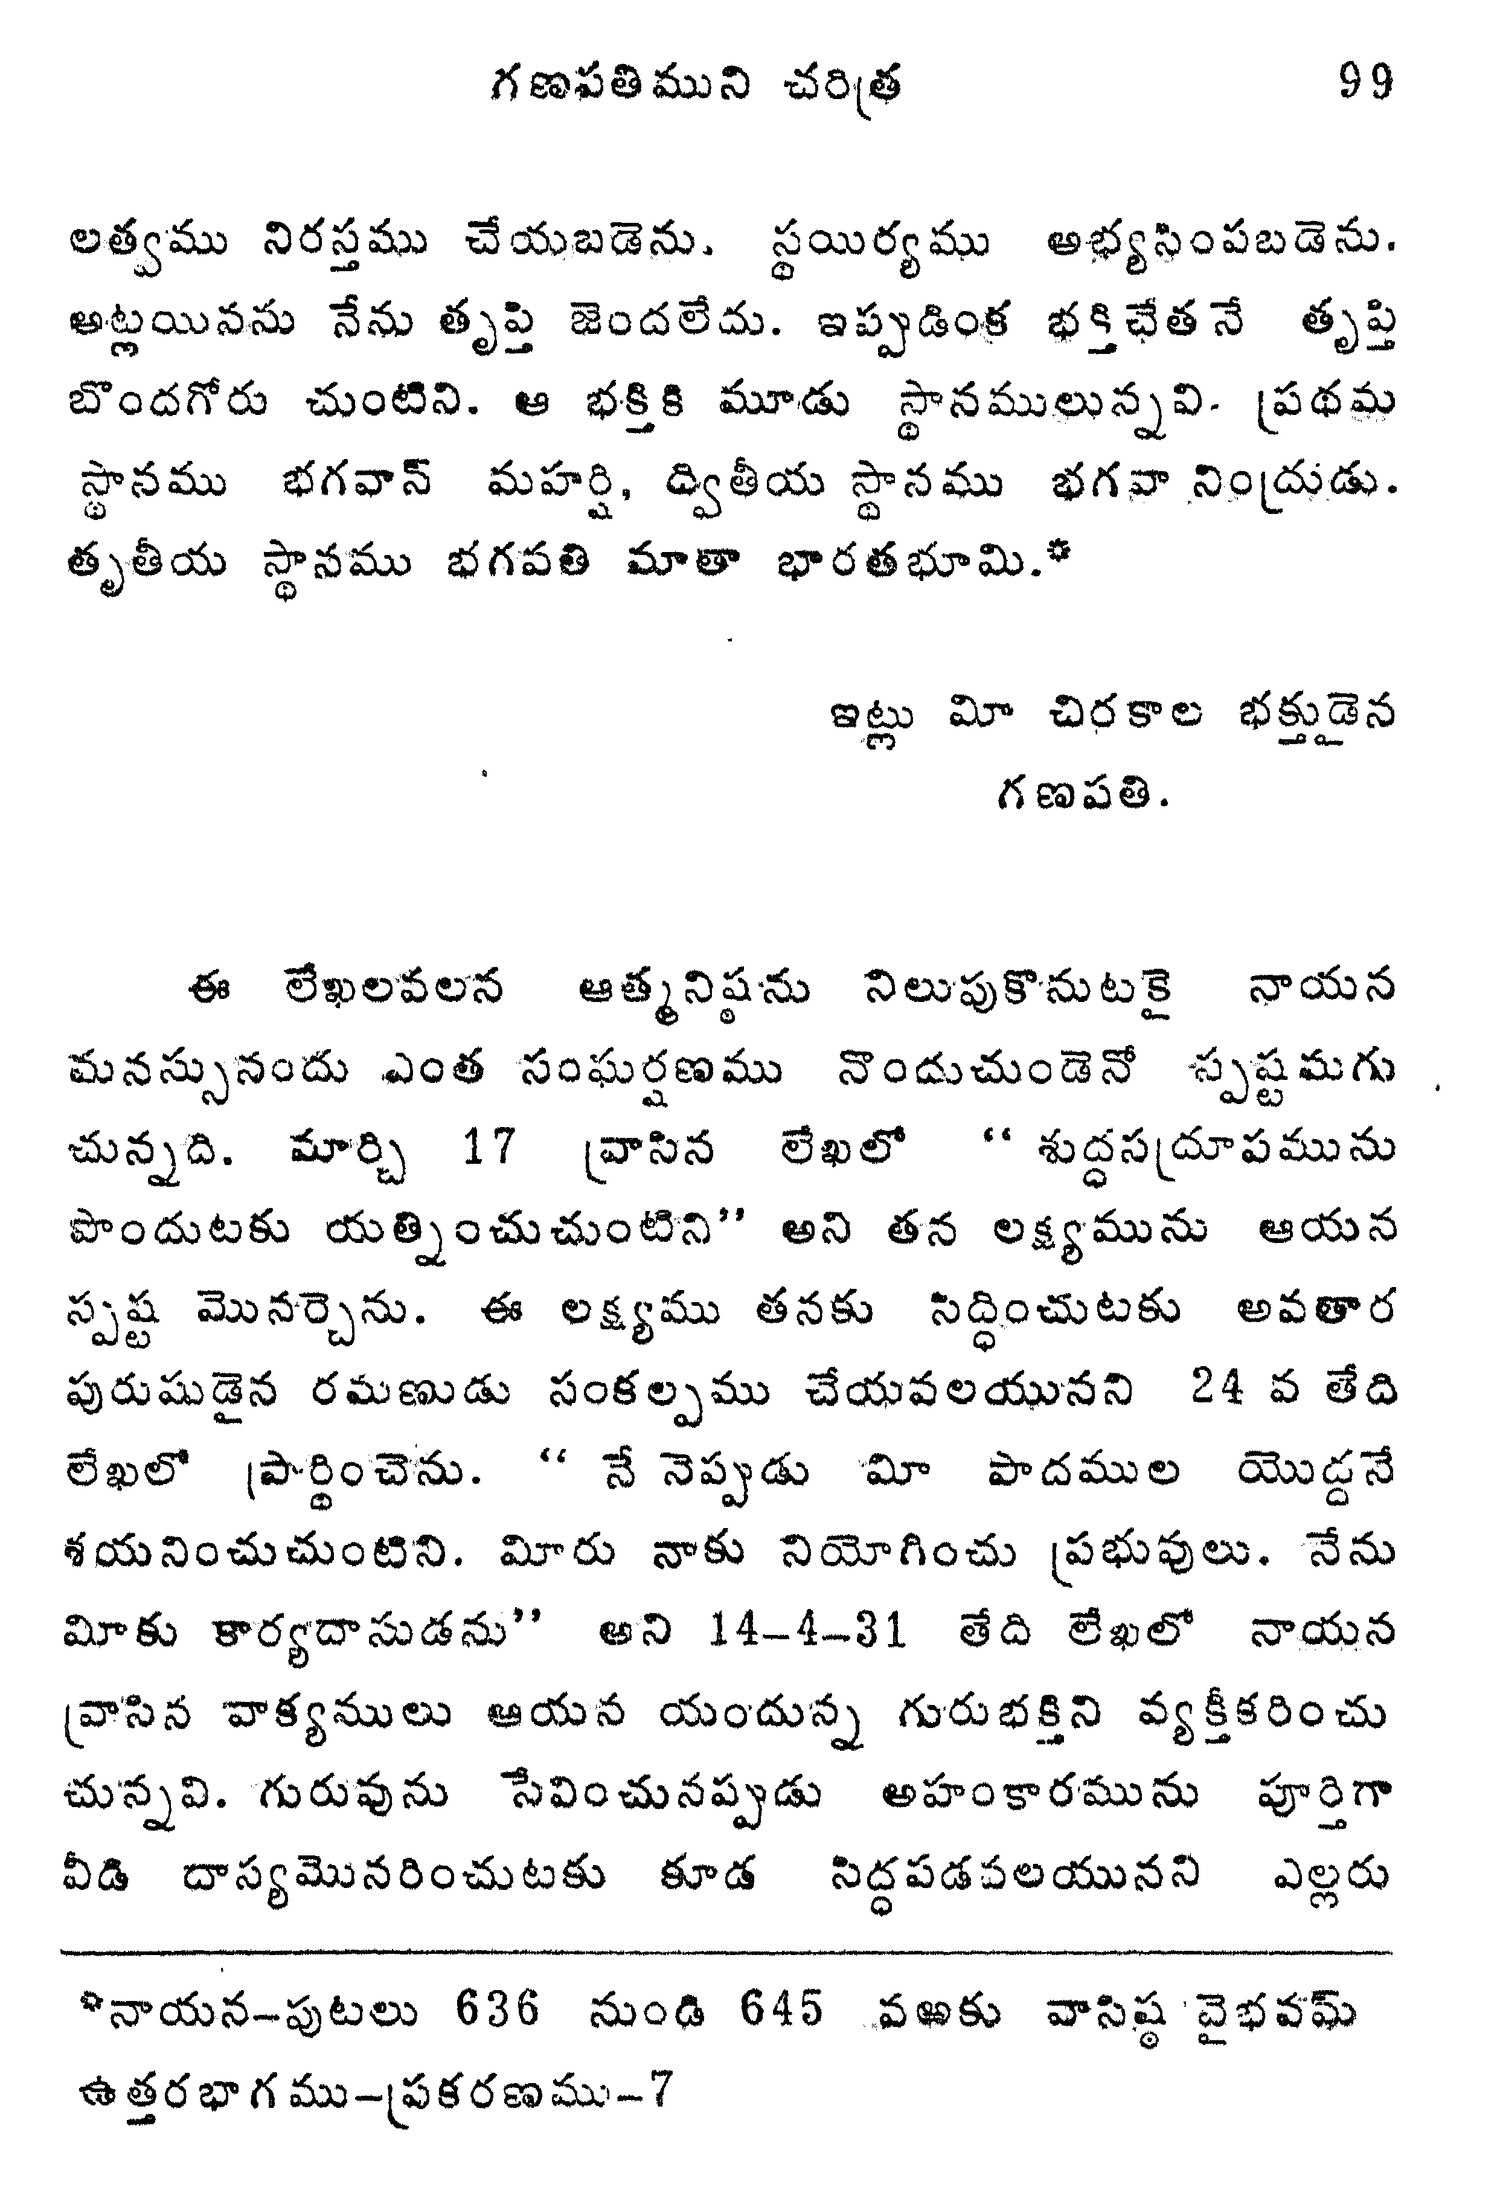లత్వము నిరస్తము చేయబడెను. స్థయిర్యము అభ్యసింపబడెను. అట్లయినను నేను తృప్తి జెందలేదు. ఇప్పుడింక భక్తిచేతనే తృప్తి బొందగోరు చుంటిని. అ భక్తికి మూడు స్థానములున్నవి. ప్రథమస్థానము భగవాన్ మహర్షి, ద్వితీయస్థానము భగవా నింద్రుడు. తృతీయ స్థానము భగవతి మాతా భారతభూమి.

ఈ లేఖలవలన ఆత్మనిష్ఠను నిలుపుకొనుటకై నాయన మనస్సునందు ఎంత సంఘర్షణము నొందుచుండెనో స్పష్టమగు చున్నది. మార్చి 17 వ్రాసిన లేఖలో " శుద్దసద్రూపమును పొందుటకు యత్నించుచుంటిని" అని తన లక్ష్యమును ఆయన స్పష్ట మొనర్చెను. ఈ లక్ష్యము తనకు సిద్ధించుటకు అవతార పురుషుడైన రమణుడు సంకల్పము చేయవలయునని 24 వ తేది లేఖలో ప్రార్థించెను. "నే నెప్పుడు మీ పాదముల యొద్దనే శయనించుచుంటిని. మీరు నాకు నియోగించు ప్రభువులు. నేను మీకు కార్యదాసుడను" అని 14-4-31 తేది లేఖలో నాయన వ్రాసిన వాక్యములు ఆయన యందున్న గురుభక్తిని వ్యక్తీకరించు చున్నవి. గురువును సేవించునప్పుడు అహంకారమును పూర్తిగా వీడి దాస్యమొనరించుటకు కూడ సిద్దపడవలయునని ఎల్లరు